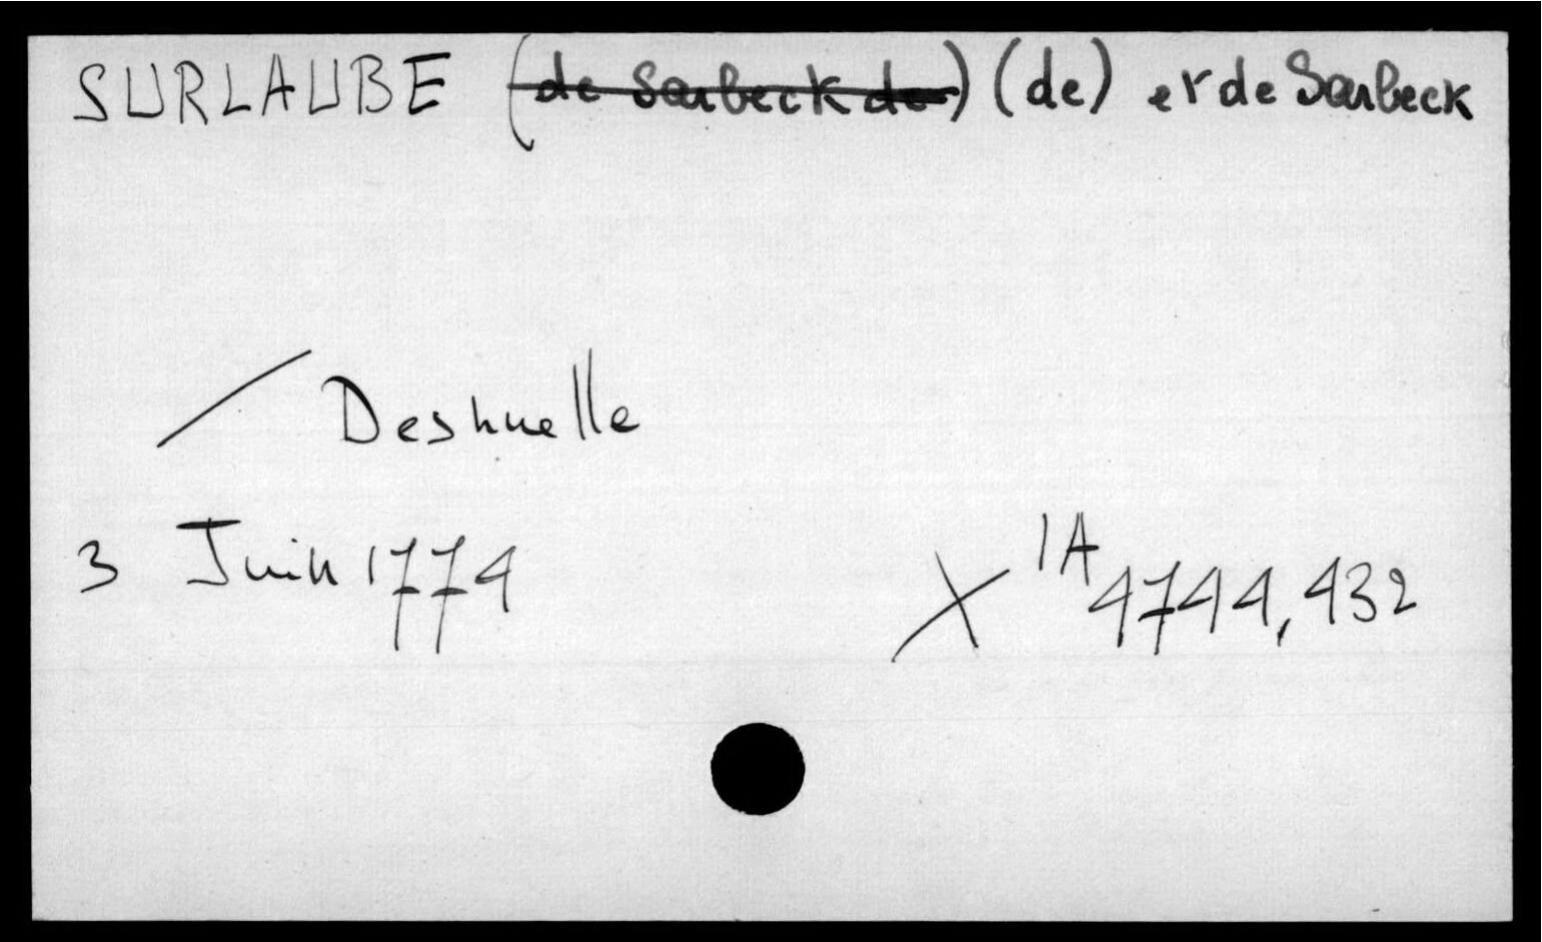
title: SURLAUBE (de) et de Sarbeck
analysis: Contre Deshuelle
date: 3 juin 1774
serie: X1A
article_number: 4744
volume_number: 432
